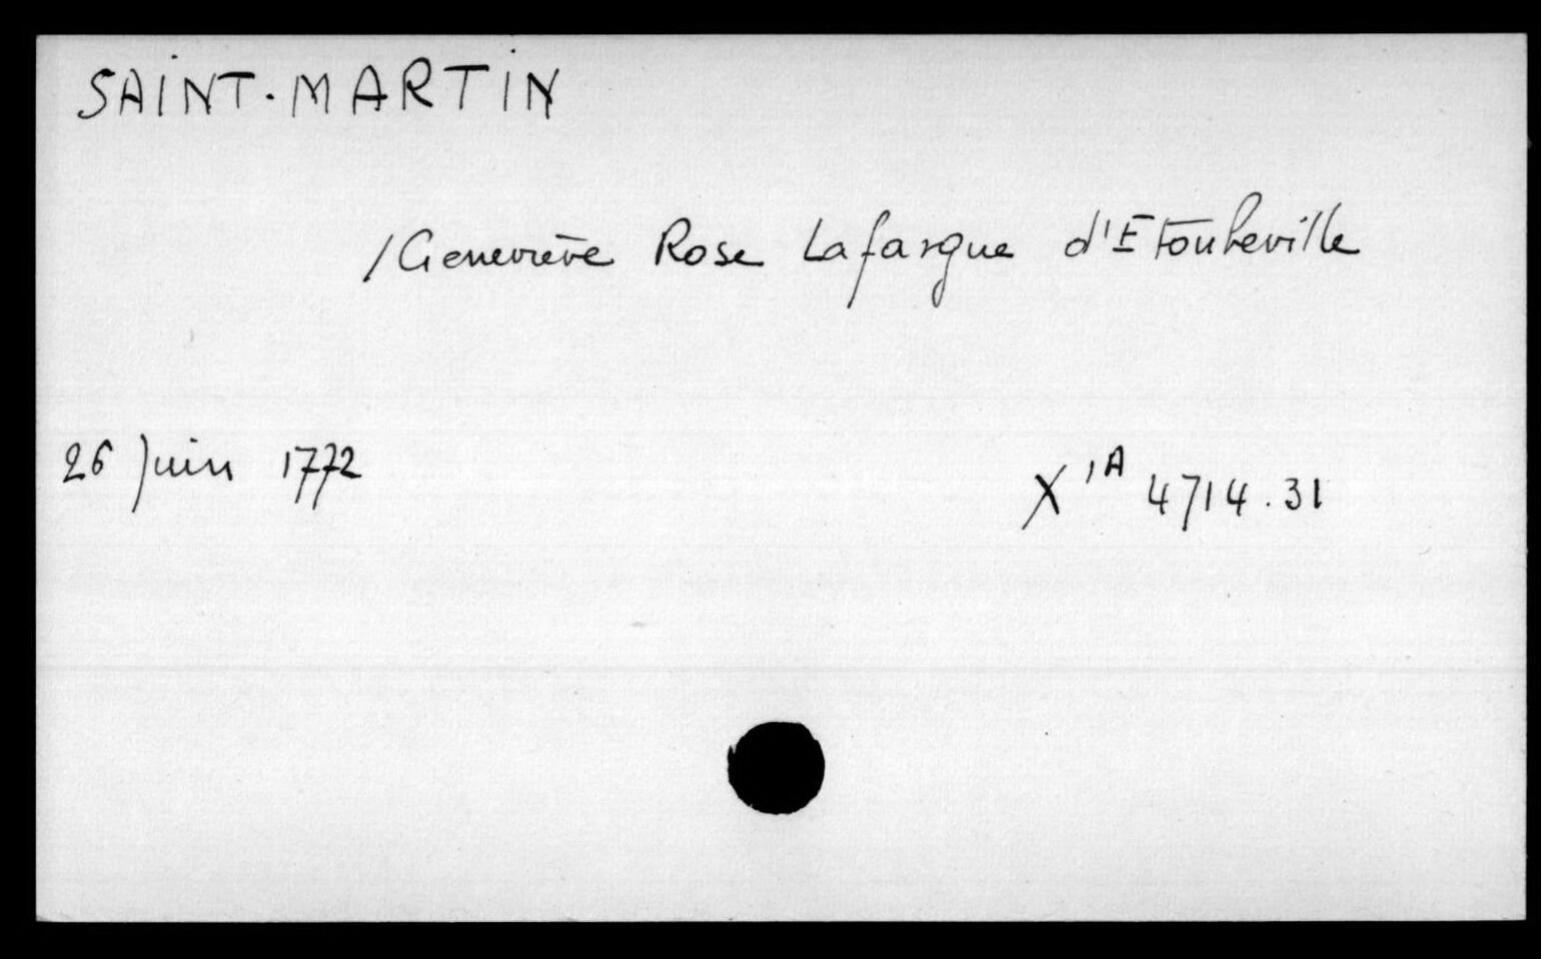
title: SAINT-MARTIN
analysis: Contre Geneviève Rose Lafargue d'Etoubeville
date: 26 juin 1772
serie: X1A
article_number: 4714
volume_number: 31
